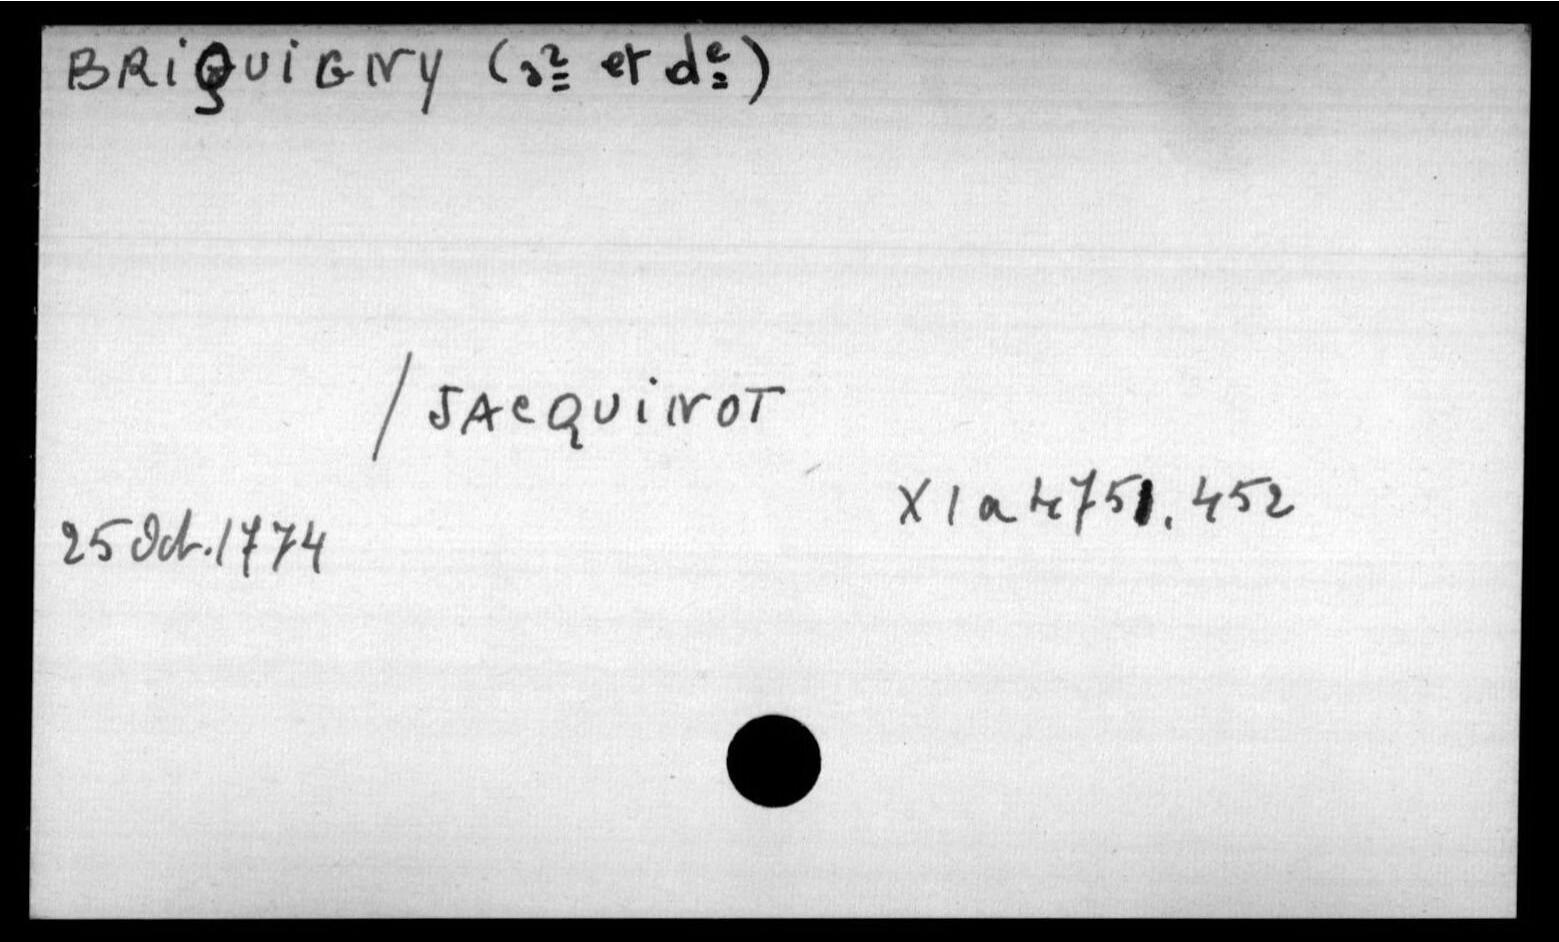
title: BRIQUIGNY (Sieur et dame)
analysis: Contre JACQUINOT
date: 25 octobre 1774
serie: X1a
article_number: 4751
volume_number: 452
